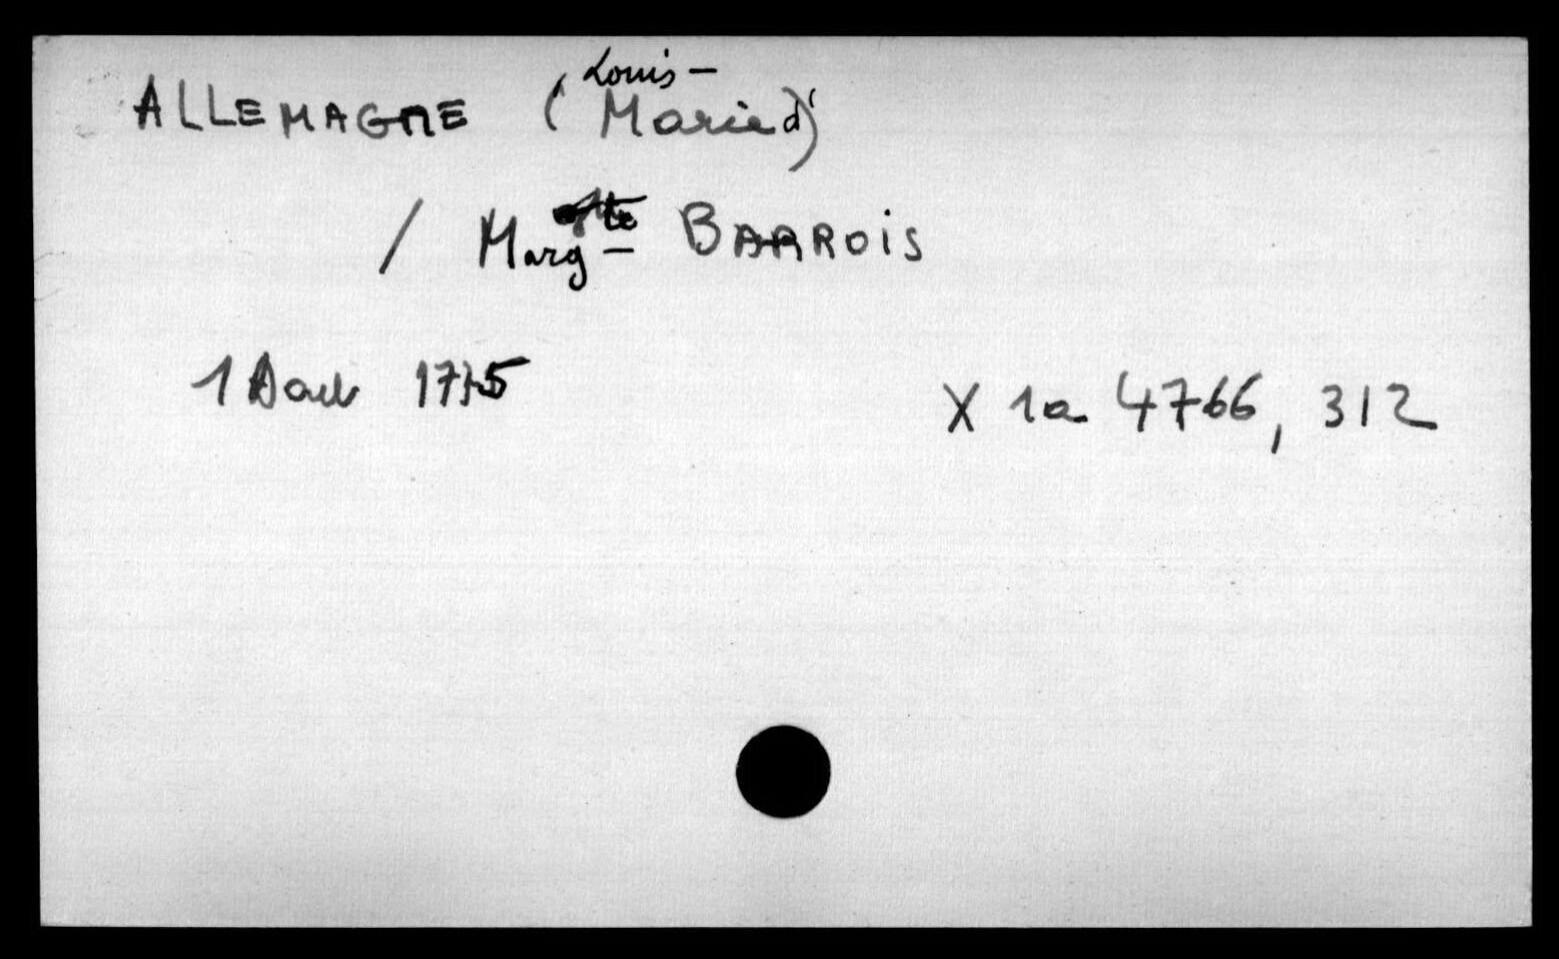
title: ALLEMAGNE (Louis-Marie d')
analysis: Contre Marg -BARROIS
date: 1 août 1775
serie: X1a
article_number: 4766
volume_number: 312
